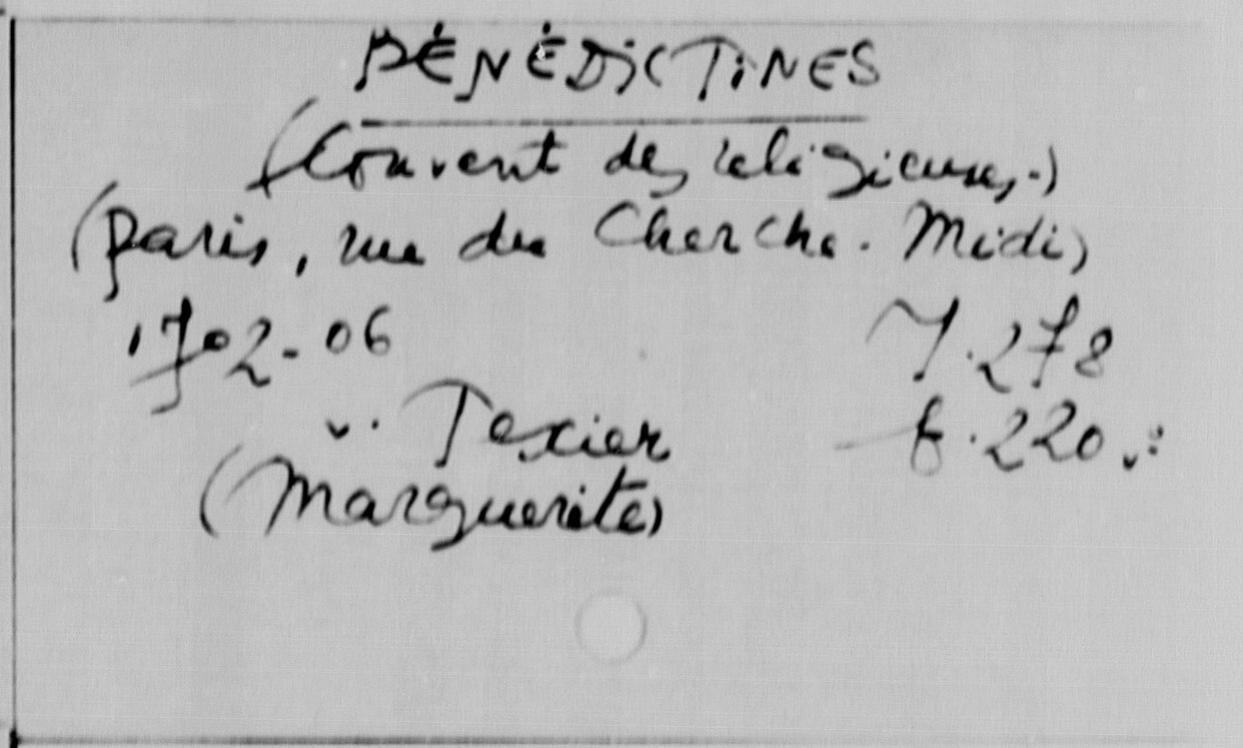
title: BENÉDICTINES (Couvent des religieuses) (Oaris, rue du Cherche-Midi)
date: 1702-1706
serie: Y
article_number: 278
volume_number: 220v
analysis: Voir Texier (Marguerite)
